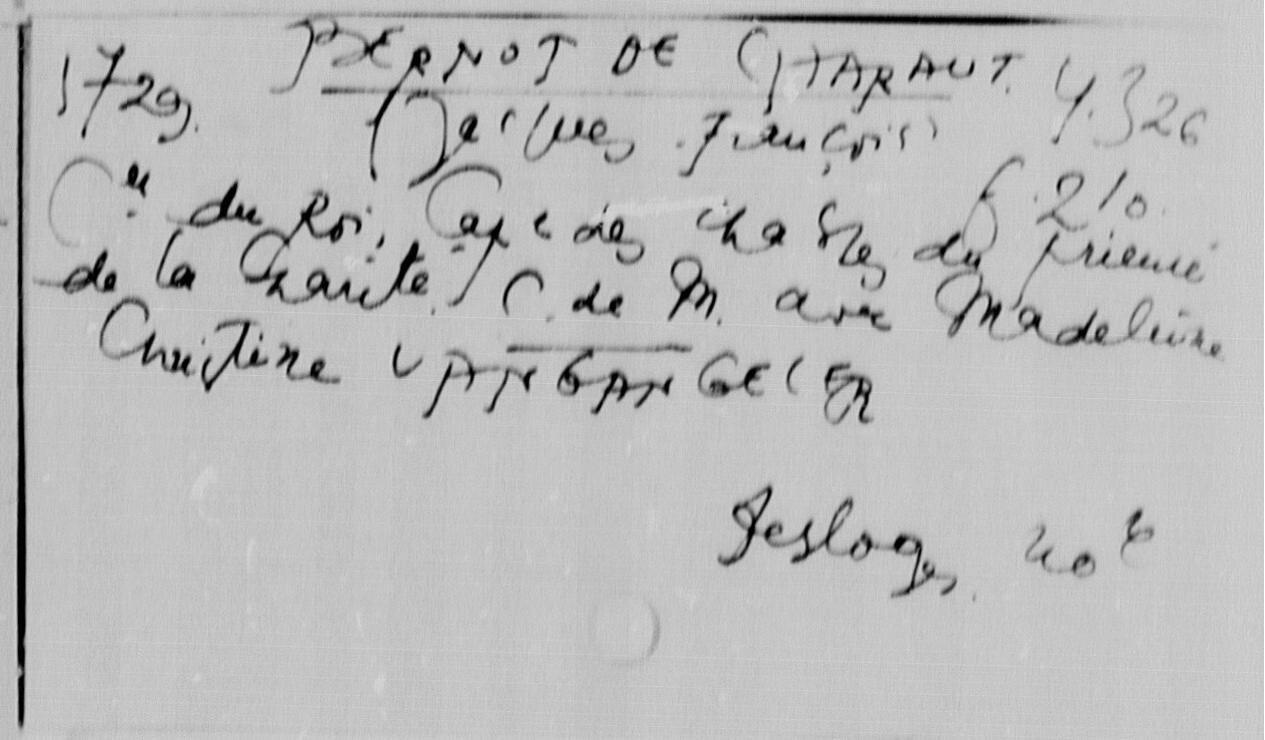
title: BERNOT DE CHARAUT (Jacques-François)
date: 1729
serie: Y
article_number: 326
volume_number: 210
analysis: Conseiller du roi, capitaine des chasses du prieuré de la Charité. Contrat de mariage avec Madeleine Chistine Vangangeler Desloges, notaire.
